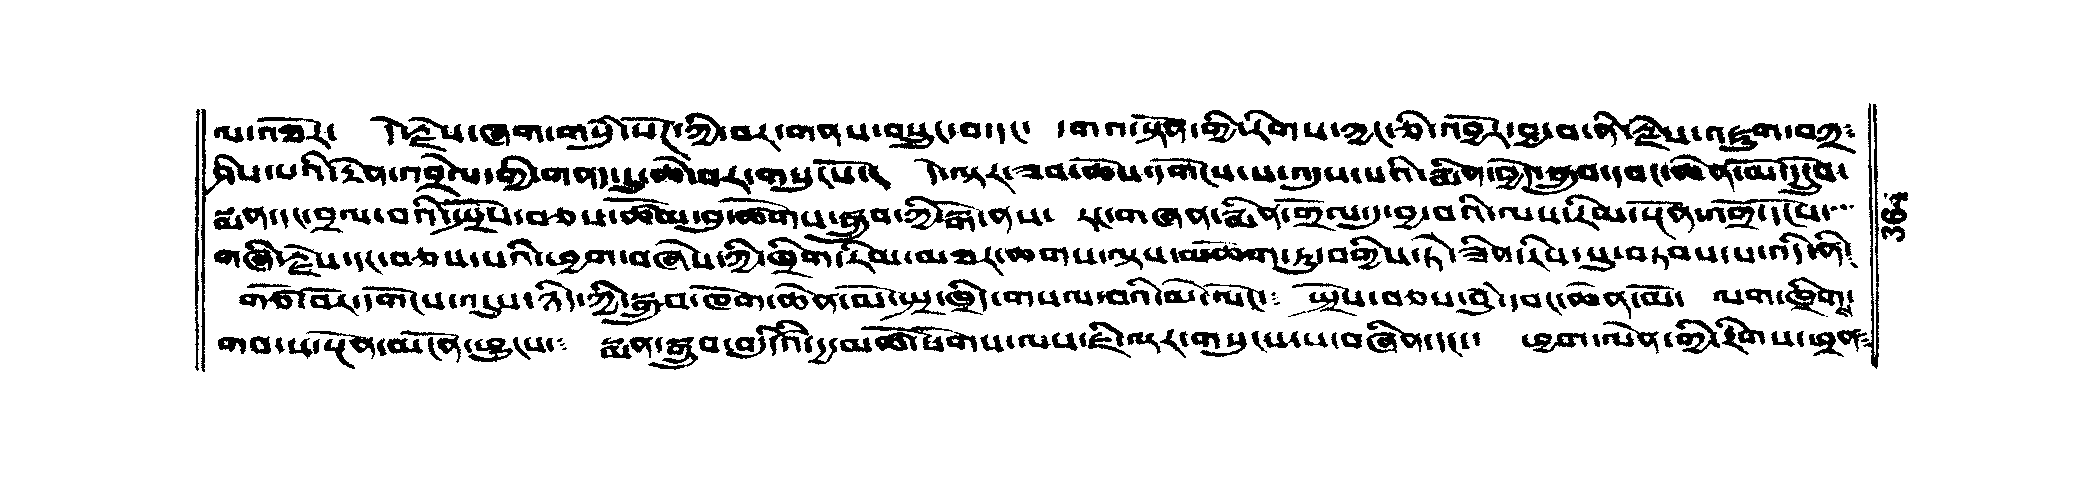ལ་འཐོར། དེ་རྗེས་ཞག་གསུམ་སོགས་ཀྱི་བར་གནས་བསྲུང་བ་དང་། དགའ་སྟོན་གྱི་རིགས་ཀྱང་ཅི་འབྱོར་བྱ་བ་ནི་རྗེས་འཇུག་བཀྲ་
ཤིས་པའི་རྟེན་འབྲེལ་གྱི་གནད་དུ་ཆེ་བར་གསུངས་སོ། དེ་ལྟར་ཟབ་ཆོད་དགོངས་པ་འདུས་པའི་སྨིན་བྱེད་སྒྲུབ་དབང་ཆེན་མོ་དངོས་གྲུབ་
སྨན་དང་བྲལ་བའི་སྤྲོས་བཅས་ཚོམ་བུ་ཚོགས་སྒྲུབ་ཀྱི་སྒོ་ནས། རང་གཞན་སྨིན་གྲོལ་དུ་བྱ་བའི་ལས་རིམ་སྔོན་འགྲོ་དངོས་
གཞི་རྗེས་དང་བཅས་པའི་ཕྱག་བཞེས་ཀྱི་ཁྲིག་རིམ་མཐར་ཆགས་ལྟས་མཆོག་ཏུ་ཟིན་ཎིས་སུ་བཏབས་པ་འདི་ནི། 
གཙོ་བོར་དགོངས་འདུས་ཉིད་ཀྱི་སྒྲུབ་ཁོག་ཆེན་མོ་སྤྲ་ཁྲིད་གསལ་བའི་མེ་ལོང༴ སྤྲོས་བཅས་བུམ་དབང་ཆེན་མོ། ལག་ཁྲིགས་
གབ་པ་སྔོན་མངོན་ཕྱུངས༴ སྨན་སྒྲུབ་བདུད་རྩིའི་རྒྱ་མཚོ་སོགས་ལས་ཇི་ལྟར་གསུངས་པ་བཞིན་དང་། ཕྱག་ལེན་གྱི་རིགས་ཕྲན༴